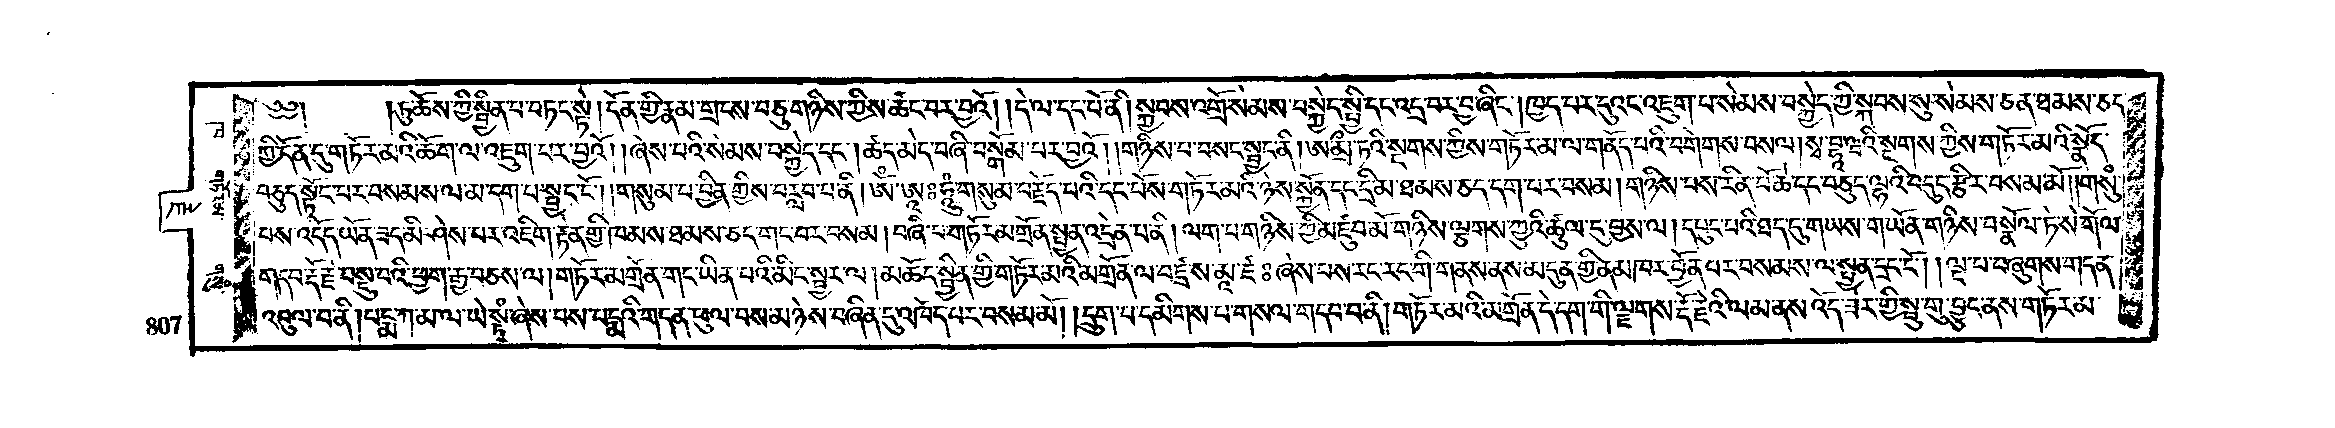༄༅། །ཏུ་ཆོས་ཀྱི་སྦྱིན་པ་བཏང་སྟེ། དོན་གྱི་རྣམ་གྲངས་བཅུ་གཉིས་ཀྱིས་ཚང་བར་བྱའོ། །དེ་ལ་དང་པོ་ནི། སྐྱབས་འགྲོ་སེམས་བསྐྱེད་སྤྱི་དང་འདྲ་བར་བྱ་ཞིང་། ཁྱད་པར་དུའང་འཇུག་པ་སེམས་བསྐྱེད་ཀྱི་སྐབས་སུ་སེམས་ཅན་ཐམས་ཅད་
ཀྱི་དོན་དུ་གཏོར་མའི་ཆོ་ག་ལ་འཇུག་པར་བྱའོ། །ཞེས་པའི་སེམས་བསྐྱེད་དང་། ཚད་མེད་བཞི་བསྒོམ་པར་བྱའོ། །གཉིས་པ་བསང་སྦྱང་ནི། ཨ་མྲྀ་ཏའི་སྔགས་ཀྱིས་གཏོར་མ་ལ་གནོད་པའི་བགེགས་བསལ། སྭ་བྷཱ་ཝའི་སྔགས་ཀྱིས་གཏོར་མའི་སྣོད་
བཅུད་སྟོང་པར་བསམས་ལ་མ་དག་པ་སྦྱང་ངོ། །གསུམ་པ་བྱིན་གྱིས་བརླབ་པ་ནི། ཨོཾ་ཨཱཿ ཧཱུཾ་གསུམ་བརྗོད་པའི་དང་པོས་གཏོར་མའི་ཉེས་སྐྱོན་དང་དྲི་མ་ཐམས་ཅད་དག་པར་བསམ། གཉིས་པས་རིན་པོ་ཆེ་དང་བཅུད་ལྷའི་བདུད་རྩིར་བསམ་མོ། །གསུཾ་
པས་འདོད་ཡོན་ཟད་མི་ཤེས་པར་འཇིག་རྟེན་གྱི་ཁམས་ཐམས་ཅད་གང་བར་བསམ། བཞི་པ་གཏོར་མགྲོན་སྤྱན་འདྲེན་པ་ནི། ལག་པ་གཉིས་ཀྱི་མཛུབ་མོ་གཉིས་ལྕགས་ཀྱུའི་ཚུལ་དུ་བྱས་ལ། དཔུང་པའི་ཐད་དུ་གཡས་གཡོན་གཉིས་བསྣོལ་ཏེ་སེ་གོལ་
གདབ་རྡོ་རྗེ་བསྡུ་བའི་ཕྱག་རྒྱ་བཅས་ལ། གཏོར་མགྲོན་གང་ཡིན་པའི་མིང་སྦྱར་ལ། མཆོད་སྦྱིན་གྱི་གཏོར་མའི་མགྲོན་ལ་བཛྲས་མཱ་ཛཿ ཞེས་པས་རང་རང་གི་གནས་ནས་མདུན་གྱི་ནམ་མཁར་བྱོན་པར་བསམས་ལ་སྤྱན་དྲང་ངོ། །ལྔ་པ་བཞུགས་གདན་
འབུལ་བ་ནི། པདམ་ཀ་མ་ལ་ཡེ་སྟྭཾ་ཞེས་པས་པདམའི་གདན་ཕུལ་བས་མཉེས་བཞིན་དུ་འཁོད་པར་བསམ་མོ། །དྲུག་པ་དམིགས་པ་གསལ་གདབ་པ་ནི། གཏོར་མའི་མགྲོན་དེ་དག་གི་ལྗགས་རྡོ་རྗེའི་ལམ་ནས་འོད་ཟེར་གྱི་སྦུ་གུ་བྱུང་ནས་གཏོར་མ་